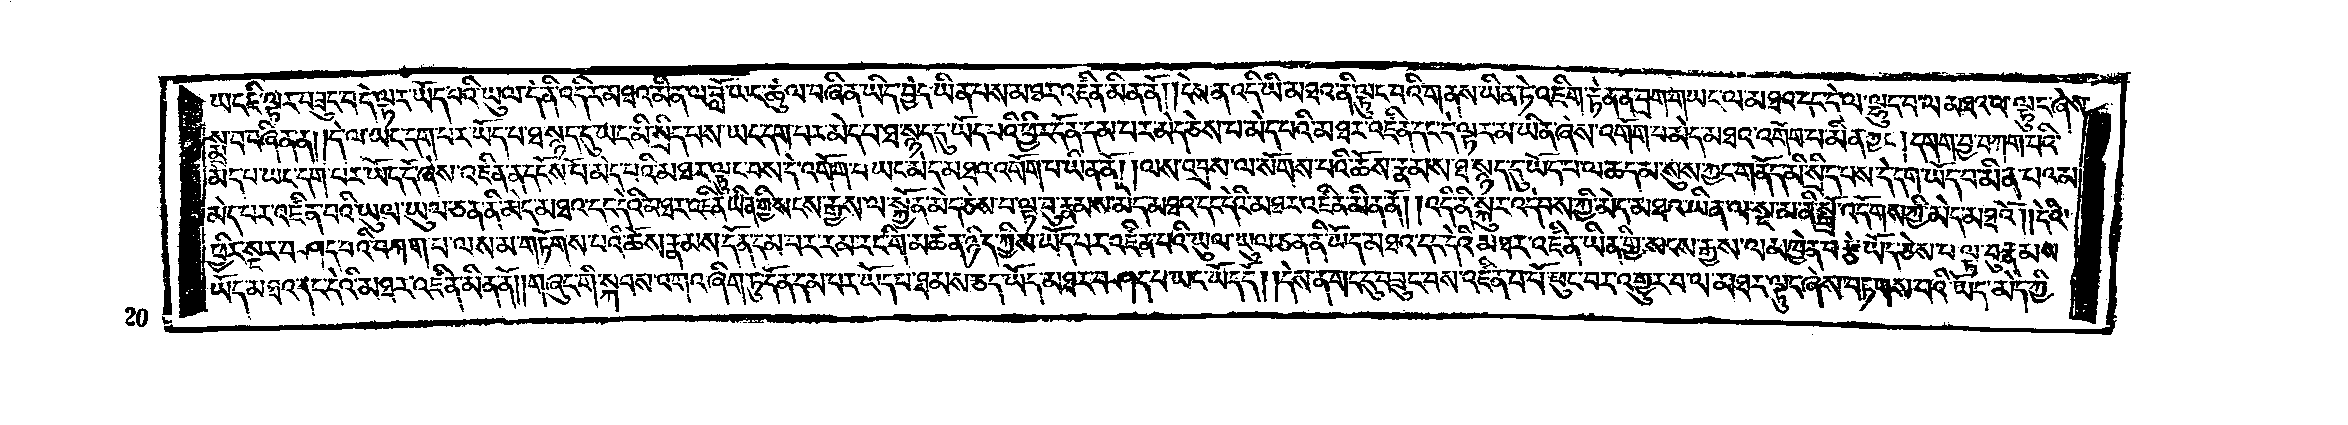ཡང་ཇི་ལྟར་བཟུང་བ་དེ་ལྟར་ཡོད་པའི་ཡུལ་དེ་ནི་འདིར་མཐའ་མིན་ལ་བློ་ཡང་ཚུལ་བཞིན་ཡིད་བྱེད་ཡིན་པས་མཐར་འཛིན་མིན་ནོ། །དེས་ན་འདི་ཡི་མཐའ་ནི་ལྟུང་བའི་གནས་ཡིན་ཏེ་འཇིག་རྟེན་ན་བྲག་གཡང་ལ་མཐའ་དང་དེ་ལ་ལྷུང་བ་ལ་མཐའ་ལ་ལྟུང་ཞེས་
སྨྲ་བ་བཞིན་ན། །དེ་ལ་ཡང་དག་པར་ཡོད་པ་ཐ་སྙད་དུ་ཡང་མི་སྲིད་པས་ཡང་དག་པར་མེད་པ་ཐ་སྙད་དུ་ཡོད་པའི་ཕྱིར་དོན་དམ་པར་མེད་ཅེས་མེད་པའི་མཐར་འཛིན་དང་དེ་ལྟར་མ་ཡིན་ཞེས་འགོག་པ་མེད་མཐའ་འགོག་པ་མིན་ཀྱང་། །དགག་བྱ་བཀག་པའི་
མེད་པ་ཡང་དག་པར་ཡོད་དོ་ཞེས་འཛིན་ན་དངོས་པོ་མེད་པའི་མཐར་ལྟུང་བས་དེ་འགོག་པ་ཡང་མེད་མཐའ་འགོག་པ་ཡིན་ནོ། །ལས་འབྲས་ལ་སོགས་པའི་ཆོས་རྣམས་ཐ་སྙད་དུ་ཡོད་པ་ལ་ཆད་མ་སུས་ཀྱང་གནོད་མི་སྲིད་པས་དེ་དག་ཡོད་པ་མིན་པའམ་
མེད་པར་འཛིན་པའི་ཡུལ་ཡུལ་ཅན་ནི་མེད་མཐའ་དང་དེའི་མཐར་འཛིན་ཡིན་གྱི་སངས་རྒྱས་ལ་སྐྱོན་མེད་ཅེས་པ་ལྟ་བུ་རྣམས་མེད་མཐའ་དང་དེའི་མཐར་འཛིན་མིན་ནོ། །འདི་ནི་སྐུར་འདེབས་ཀྱི་མེད་མཐའ་ཡིན་ལ་སྔ་མ་ནི་སྒྲོ་འདོགས་ཀྱི་མེད་མཐའོ། །དེའི་
ཕྱིར་སྔར་བཤད་པའི་བཀག་པ་ལས་མ་གཏོགས་པའི་ཆོས་རྣམས་དོན་དམ་པར་རམ་རང་གི་མཚན་ཉིད་ཀྱིས་ཡོད་པར་འཛིན་པའི་ཡུལ་ཡུལ་ཅན་ནི་ཡོད་མཐའ་དང་དེའི་མཐར་འཛིན་ཡིན་གྱི་སངས་རྒྱས་ལ་མཁྱེན་པ་རྩེ་ཡོད་ཅེས་པ་ལྟ་བུ་རྣམས་
ཡོད་མཐའ་དང་དེའི་མཐར་འཛིན་མིན་ནི། །གཞུང་གི་སྐབས་འགའ་ཞིག་ཏུ་དོན་དམ་པར་ཡོད་པ་ཐམས་ཅད་ཡོད་མཐར་བཤད་པ་ཡང་ཡོད་དེ། །དེས་ན་གང་དུ་བཟུང་བས་འཛིན་པ་པོ་ཕུང་བར་འགྱུར་བ་ལ་མཐར་ལྟུང་ཞེས་བཏགས་པའི་ཡོད་མེད་ཀྱི་